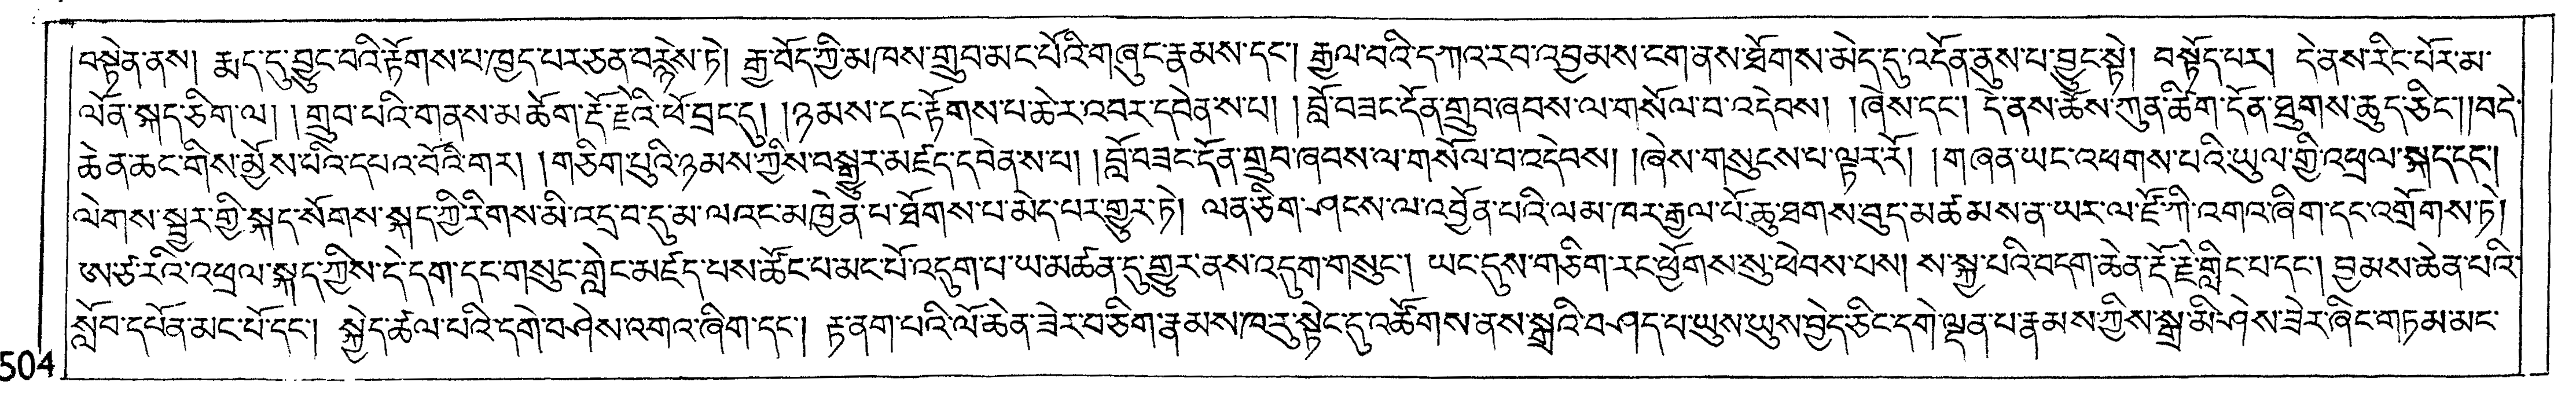བསྟེན་ནས། རྨད་དུ་བྱུང་བའི་རྟོགས་པ་ཁྱད་པར་ཅན་བརྙེས་ཏེ། རྒྱ་བོད་ཀྱི་མཁས་གྲུབ་མང་པོའི་གཞུང་རྣམས་དང་། རྒྱལ་བའི་དཀའ་རབ་འབྱམས་ངག་ནས་ཐོགས་མེད་དུ་འདོན་ནུས་པ་བྱུང་སྟེ། བསྟོད་པར། དེ་ནས་རིང་པོར་མ་
ལོན་སྐད་ཅིག་ལ། །གྲུབ་པའི་གནས་མཆོག་རྡོ་རྗེའི་ཕོ་བྲང་དུ། །ཉམས་དང་རྟོགས་པ་ཆེར་འབར་དབེན་ས་པ། །བློ་བཟང་དོན་གྲུབ་ཞབས་ལ་གསོལ་བ་འདེབས། །ཞེས་དང་། དེ་ནས་ཆོས་ཀུན་ཚིག་དོན་ཐུགས་ཆུད་ཅིང་། །བདེ་
ཆེན་ཆང་གིས་མྱོས་པའི་དཔའ་བོའི་གར། །གཅིག་པུའི་ཉམས་ཀྱིས་བསྒྱུར་མཛད་དབེན་ས་པ། །བློ་བཟང་དོན་གྲུབ་ཞབས་ལ་གསོལ་བ་འདེབས། །ཞེས་གསུངས་པ་ལྟར་རོ། །གཞན་ཡང་འཕགས་པའི་ཡུལ་གྱི་འཕྲལ་སྐད་དང་།
ལེགས་སྦྱར་གྱི་སྐད་སོགས་སྐད་ཀྱི་རིགས་མི་འདྲ་བ་དུ་མ་ལའང་མཁྱེན་པ་ཐོགས་པ་མེད་པར་གྱུར་ཏེ། ལན་ཅིག་ཤངས་ལ་འབྱོན་པའི་ལམ་ཁར་རྒྱལ་པོ་ཆུ་ཐགས་བུད་མཚམས་ན་ཡར་ལ་ཛོ་ཀི་འགའ་ཞིག་དང་འགྲོགས་ཏེ།
ཨ་ཙ་རའི་འཕྲལ་སྐད་ཀྱིས་དེ་དག་དང་གསུང་གླེང་མཛད་པས་ཚོང་པ་མང་པོ་འདུག་པ་ཡ་མཚན་དུ་གྱུར་ནས་འདུག་གསུང་། ཡང་དུས་གཅིག་རང་ཕྱོགས་སུ་ཕེབས་པས། ས་སྐྱ་པའི་བདག་ཆེན་རྡོ་རྗེ་གླིང་པ་དང་། བྱམས་ཆེན་པའི་
སློབ་དཔོན་མང་པོ་དང་། སྐྱེད་ཚལ་པའི་དགེ་བཤེས་འགའ་ཞིག་དང་། རྟ་ནག་པའི་ལོ་ཆེན་ཟེར་བ་ཅིག་རྣམས་ཁ་རུ་སྟེང་དུ་འཚོགས་ནས་སྒྲའི་བཤད་པ་ཡུས་ཡུས་བྱེད་ཅིང་དགེ་ལྡན་པ་རྣམས་ཀྱིས་སྒྲ་མི་ཤེས་ཟེར་ཞིང་གཏམ་མང་